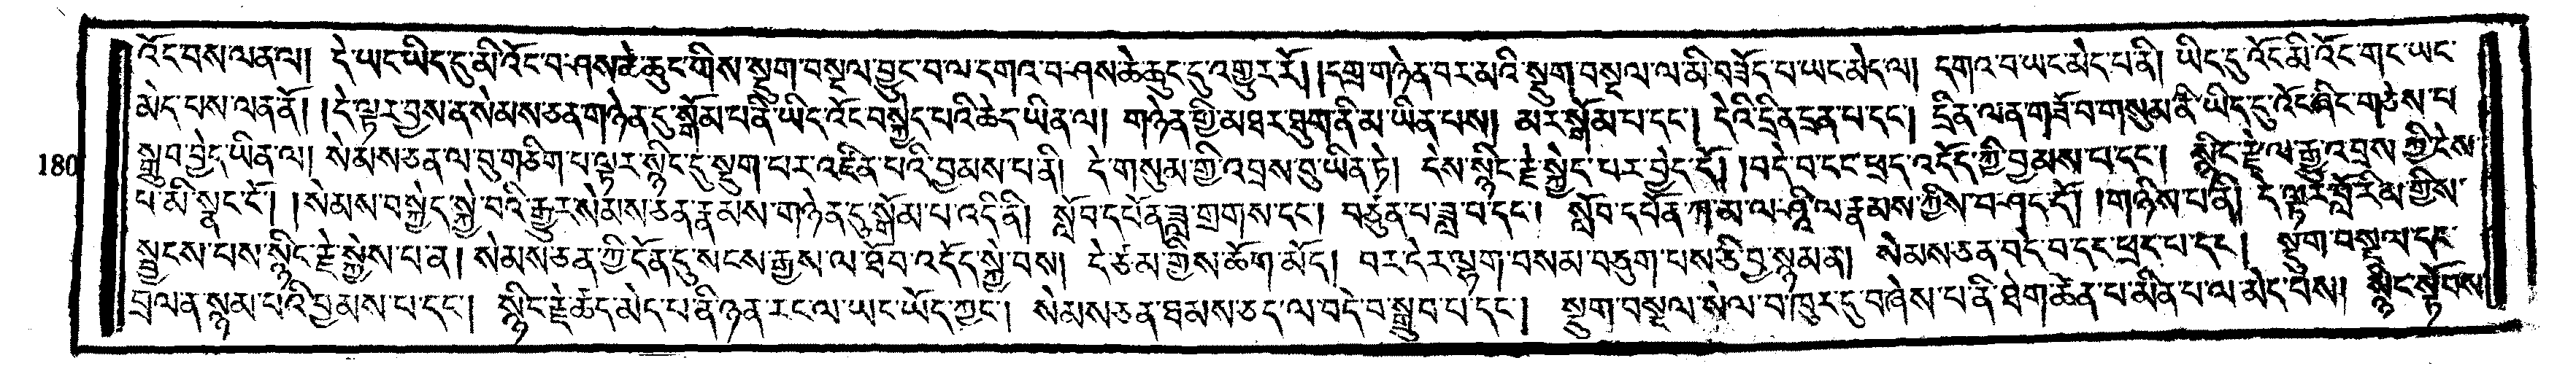འོང་བས་ལན་ལ། དེ་ཡང་ཡིད་དུ་མི་འོང་བ་ཤས་ཆེ་ཆུང་གིས་སྡུག་བསྔལ་བྱུང་བ་ལ་དགའ་བ་ཤས་ཆེ་ཆུང་དུ་འགྱུར་རོ། །དགྲ་གཉེན་བར་མའི་སྡུག་བསྔལ་ལ་མི་བཟོད་པ་ཡང་མེད་ལ། དགའ་བ་ཡང་མེད་ལ། དགའ་བ་ཡང་མེད་པ་ནི། ཡིད་དུ་འོང་མི་འོང་གང་ཡང་
མེད་པས་ལན་ནོ། །དེ་ལྟར་བྱས་ན་སེམས་ཅན་གཉེན་དུ་སྒོམ་པ་ནི་ཡིད་འོང་བསྐྱེད་པའི་ཆེད་ཡིན་ལ། གཉེན་གྱི་མཐར་ཐུག་ནི་མ་ཡིན་པས། མར་སྒོམ་པ་དང་། དེའི་དྲིན་དྲན་པ་དང་། དྲིན་ལན་གཟོ་བ་གསུམ་ནི་ཡིད་དུ་འོང་ཞིང་གཅེས་པ་
སྒྲུབ་བྱེད་ཡིན་ལ། སེམས་ཅན་ལ་བུ་གཅིག་པ་ལྟར་སྙིང་དུ་སྡུག་པར་འཛིན་པའི་བྱམས་པ་ནི། དེ་གསུམ་གྱི་འབྲས་བུ་ཡིན་ཏེ། དེས་སྙིང་རྗེ་སྐྱེད་པར་བྱེད་དོ། །བདེ་བ་དང་ཕྲད་འདོད་ཀྱི་བྱམས་པ་དང་། སྙིང་རྫེལ་རྒྱུ་འབྲས་ཀྱི་ངེས་
པ་མི་སྣང་ངོ། །སེམས་བསྐྱེད་སྐྱེ་བའི་རྒྱུར་སེམས་ཅན་རྣམས་གཉེན་དུ་སྒོམ་པ་འདི་ནི། སློབ་དཔོན་ཟླ་གྲགས་དང་། བཙུན་པ་ཟླ་བ་དང་། སློབ་དཔོན་ཀ་མ་ལ་ཤཱི་ལ་རྣམས་ཀྱིས་བཤད་དོ། །གཉིས་པ་ནི། དེ་ལྟར་བློ་རིམ་གྱིས་
སྦྱངས་པས་སྙིང་རྗེ་སྐྱེས་པ་ན། སེམས་ཅན་ཀྱི་དོན་དུ་སངས་རྒྱས་ལ་ཐོབ་འདོད་སྐྱེ་བས། དེ་ཙམ་གྱིས་ཆོག་མོད། བར་དེར་ལྷག་བསམ་བཅུག་པས་ཅི་བྱ་སྙམ་ན། སེམས་ཅན་བདེ་བ་དང་ཕྲད་པ་དང་། སྡུག་བསྔལ་དང་
བྲལ་ན་སྙམ་པའི་བྱམས་པ་དང་། སྙིང་རྗེ་ཚད་མེད་པ་ནི་ཉན་རང་ལ་ཡང་ཡོད་ཀྱང་། སེམས་ཅན་ཐམས་ཅད་ལ་བདེ་བ་སྒྲུབ་པ་དང་། སྡུག་བསྔལ་སེལ་བ་ཁུར་དུ་བཞེས་པ་ནི་ཐེག་ཆེན་པ་མིན་པ་ལ་མེད་བས། སྙིང་སྟོབས་